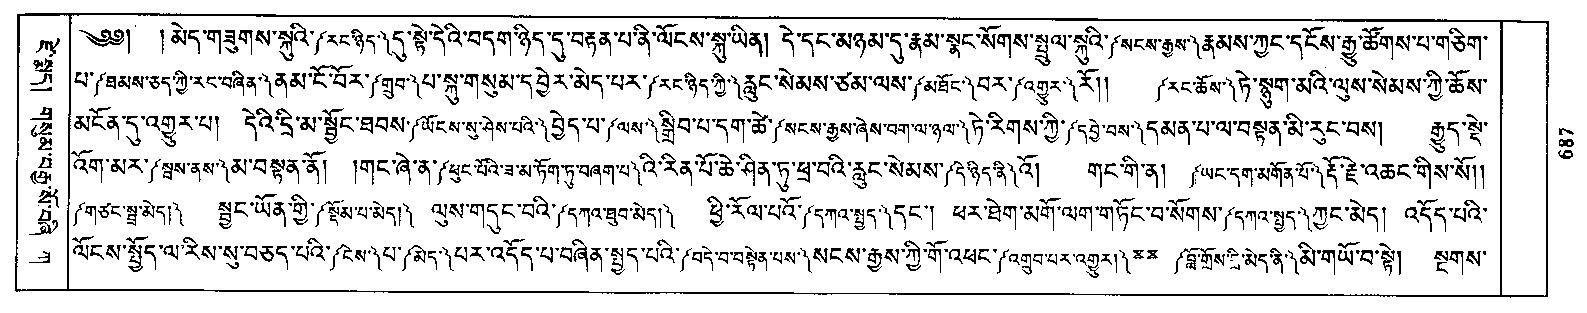༄༅། །མེད་གཟུགས་སྐུའི ༼རང་ཉིད྄་དུ་སྟེ་དེའི་བདག་ཉིད་དུ་བརྟན་པ་ནི་ལོངས་སྐུ་ཡིན། དེ་དང་མཉམ་དུ་རྣམ་སྣང་སོགས་སྤྲུལ་སྐུའི་༽སངས་རྒྱས྄་རྣམས་ཀྱང་དངོས་རྒྱུ་ཚོགས་པ་གཅིག་
པ ༼ཐམས་ཅད་ཀྱི་རང་བཞིན྄་ནམ་ངོ་བོར་༽གྲུབ྄་པ་སྐུ་གསུམ་དབྱེར་མེད་པར ༼རང་ཉིད་ཀྱ྄ི་རླུང་སེམས་ཙམ་ལས་༽མཐོང྄་བར ༼འགྱུར྄་རོ།། ༽རང་ཆོས྄་ཏེ་སྙུག་མའི་ལུས་སེམས་ཀྱི་ཆོས་
མངོན་དུ་འགྱུར་པ། དེའི་དྲི་མ་སྦྱོང་ཐབས ༼ཡོངས་སུ་ཤེས་པའ྄ི་བྱེད་པ་༽ལས྄་སྒྲིབ་པ་དག་ཚེ ༼སངས་རྒྱས་ཞེས་བག་ལ་ཉལ྄་ཏེ་རིགས་ཀྱི་༽དབྱེ་བས྄་དམན་པ་ལ་བསྟན་མི་རུང་བས། རྒྱུད་སྡེ་
འོག་མར ༼སྦས་ནས྄་མ་བསྟན་ནོ། །གང་ཞེ་ན་༽ཕུང་པོའི་ཟ་མ་ཏོག་ཏུ་བཞག་པ྄་འི་རིན་པོ་ཆེ་ཤིན་ཏུ་ཕྲ་བའི་རླུང་སེམས ༼དེ་ཉིད་ན྄ི་འོ། གང་གི་ན། ༽ཡང་དག་མགོན་པ྄ོ་རྡོ་རྗེ་འཆང་གིས་སོ།།
༼གཙང་སྦྲ་མེད།?་སྦྱང་ཡོན་གྱི་༽སྡོམ་པ་མེད།?་ལུས་གདུང་བའི ༼དཀའ་ཐུབ་མེད།?་ཕྱི་རོལ་པའོ་༽དཀའ་སྤྱད྄་དང་། ཕར་ཐེག་མགོ་ལག་གཏོང་བ་སོགས་དཀའ་སྤྱད྄་ཀྱང་མེད། འདོད་པའི་
ལོངས་སྤྱོད་ལ་རིས་སུ་བཅད་པའི ༼ངེས྄་པ་༽མེད྄་པར་འདོད་པ་བཞིན་སྤྱད་པའི ༼བདེ་བ་བསྟེན་པས྄་སངས་རྒྱས་ཀྱི་གོ་འཕང་༽འགྲུབ་པར་འགྱུར།?་྾་྾་བློ་གྲོས་དྲི་མེད་ན྄ི་མི་གཡོ་བ་སྟེ། སྔགས་